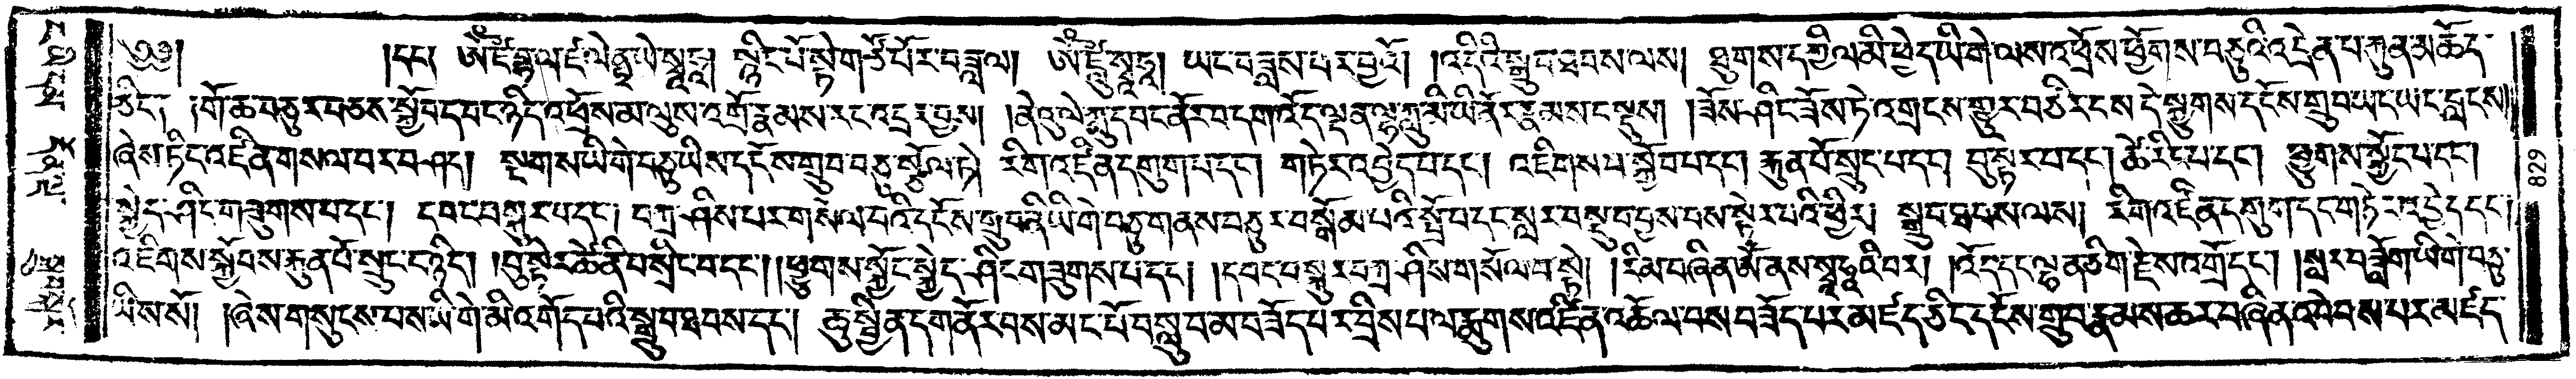༄༅། །དང༑ ཨོཾ་ཛཾ་བྷ་ལ་ཛ་ལེནྟྲ་ཡེ་སྭཱཧཱ། སྙིང་པོ་སྟེ་གཙོ་བོར་བཟླ་ལ། ཨོཾ་ཛཱུ་སྭཱཧཱ། ཡང་བཟླས་པར་བྱའོ། །འདིའི་སྒྲུབ་ཐབས་ལས། ཐུགས་དཀྱིལ་མི་ཕྱེད་ཡི་གེ་ལས་འཕྲོས་ཕྱོགས་བཅུའི་འདྲེན་པ་ཀུན་མཆོད་
ཅིང༑ ༑གོ་ཆ་བཅུར་བཅས་སྐྱོབ་དབང་ཉིད་འཕྲོས་མ་ལས་འགྲོ་རྣམས་རང་འདྲར་བྱས། །ནེའུ་ལེ་ཀླུ་དབང་ནོར་བདག་འོད་ལྡན་ལྷ་ཀླུ་མི་ཡི་ནོར་རྣམས་བསྡུས། །ཟོས་ཤིང་ཟོས་ཏེ་འགྲངས་གྱུར་བཙིར་ངས་དེ་སྐྱུགས་དངོས་གྲུབ་ཡང་ཡང་བླངས་
ཞེས་ཏིང་འཛིན་གསལ་བར་བཤད། སྔགས་ཡི་གེ་བཅུ་ཡིས་དངོས་གྲུབ་བཅུ་སྩོལ་ཏེ། རིག་འཛིན་དགུག་པ་དང་། གཏེར་འབྱེད་པ་དང་། འཇིགས་པ་སྐྱོབས་དང་། རྐུན་པོ་སྲུང་པ་དང་། བུ་སྟེར་བ་དང་། བུ་སྟེར་པ་དང་། ཚེ་རིང་པ་དང་། ཕྱུགས་སྐྱོང་པ་དང་།
སྐྱེད་ཤིང་གཟུགས་པ་དང་། དབང་བསྐུར་པ་དང་། བཀྲ་ཤིས་པར་གསོལ་པའི་དངོས་གྲུབ་ནི་ཡི་གེ་བཅུ་གནས་བཅུར་བསྒོམ་པའི་སྤྲོ་བ་དང་སླར་བསྡུ་བ་བྱས་པས་སྟེར་པའི་ཕྱིར། སྒྲུབ་ཐབས་ལས། རིག་འཛིན་དགུག་དང་གཏེང་འབྱེད་དང་།
འཇིགས་སྐྱོབས་རྐུན་པོ་སྲུང་པ་ཉིད། །བུ་སྟེར་ཚེ་ནི་བསྲིང་བ་དང་། །ཕྱུགས་སྐྱོང་སྐྱེད་ཤིང་གཟུགས་པ་དང་། །དབང་བསྐུར་བཀྲ་ཤིས་གསོལ་བ་སྟེ། །རིམ་བཞིན་ཨོཾ་ནས་སྭཱཧཱའི་བར། །འོད་དང་ལྷན་ཅིག་རྗེས་འགྲོ་དང་། །སླར་བཟློག་ཡི་གེ་བཅུ་
ཡིས་སོ། །ཞེས་གསུངས་པས་ཡི་གེ་མི་འགོད་པའི་སྒྲུབ་ཐབས་དང་། ཆུ་སྦྱིན་དག་ནོར་བས་མང་པོ་བསླུ་བ་མ་བཟོད་པར་བྲིས་པ་ལ་རྨུགས་འཛིན་འཆོལ་བས་བཟོད་པར་མཛད་ཅིང་དངོས་གྲུབ་རྣམས་ཆར་བཞིན་འབེབས་པར་མཛད་